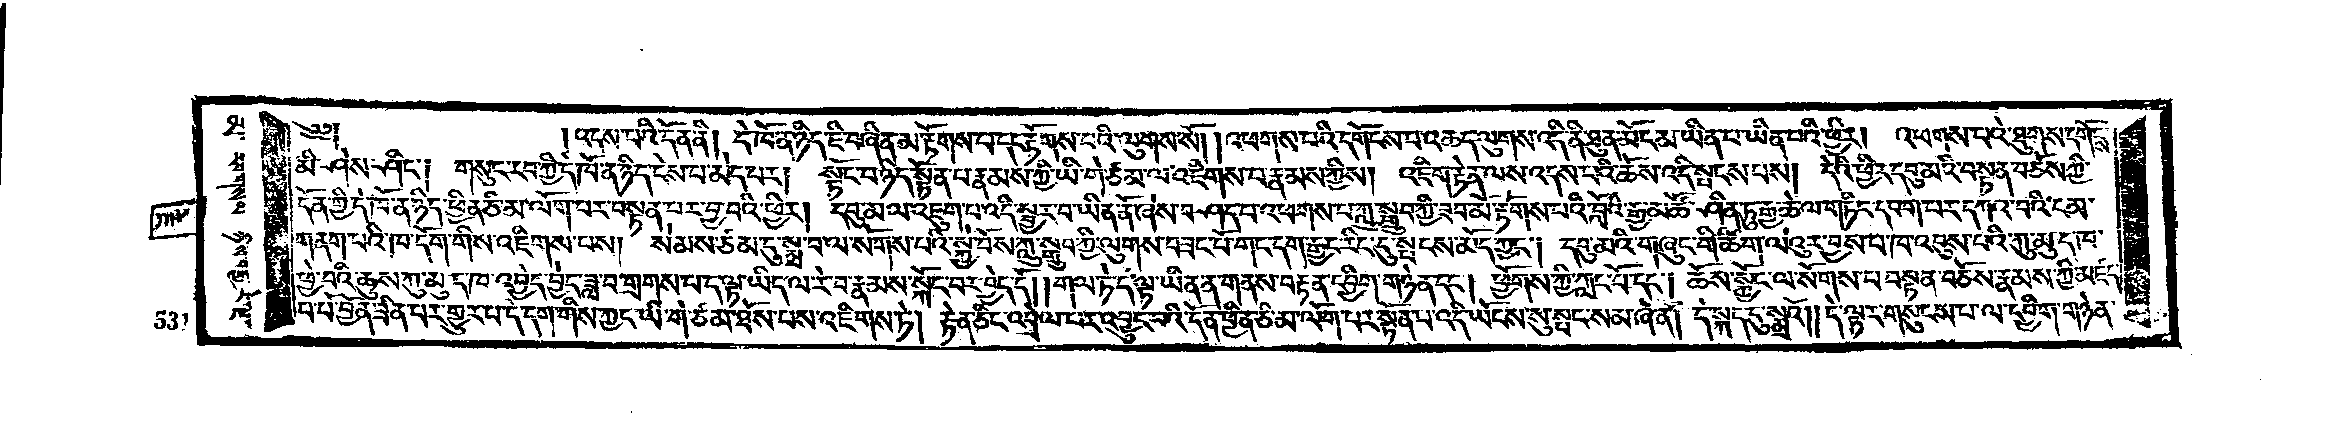༄༅། །འདས་པའི་དོན་ནི། དེ་ཁོ་ན་ཉིད་ཇི་བཞིན་མ་རྟོགས་པ་དང་རྟོགས་པའི་ལུགས་སོ། །འཕགས་པའི་དགོངས་པ་འཆད་ལུགས་འདི་ནི་ཐུན་མོང་མ་ཡིན་པ་ཡིན་པའི་ཕྱིར། འཕགས་པའི་ཐུགས་དགོངས་
མི་ཤེས་ཤིང་། གསུང་རབ་ཀྱི་དེ་ཁོ་ན་ཉིད་ངེས་པ་མེད་པར། སྟོང་པ་ཉིད་སྟོན་པ་རྣམས་ཀྱི་ཡི་གེ་ཙམ་ལ་འཇིགས་པ་རྣམས་ཀྱིས། འཇིག་རྟེན་ལས་འདས་པའི་ཆོས་འདི་སྤངས་པས། དེའི་ཕྱིར་དབུ་མའི་བསྟན་བཅོས་ཀྱི་
དོན་གྱི་དེ་ཁོ་ན་ཉིད་ཕྱིན་ཅི་མ་ལོག་པར་བསྟན་པར་བྱ་བའི་ཕྱིར། དབུ་མ་ལ་འཇུག་པ་འདི་སྦྱར་བ་ཡིན་ནོ་ཞེས་བཤད་པ་འཕགས་པ་ཀླུ་སྒྲུབ་ཀྱི་ཟབ་མོ་རྟོགས་པའི་བློའི་རྒྱ་མཚོ་ཤིན་ཏུ་རྒྱ་ཆེ་ལ་གཏིང་དཔག་པར་དཀའ་བའི་ངམ་
གནག་པའི་ཁ་དོག་གིས་འཇིགས་པས། སེམས་ཙམ་དུ་སྨྲ་བ་ལ་སོགས་པའི་སྐྱེ་བོས་ཀླུ་སྒྲུབ་ཀྱི་ལུགས་བཟང་པོ་གང་དག་རྒྱང་རིང་དུ་སྤངས་མོད་ཀྱང་། དབུ་མའི་གཞུང་གི་ཚིག་ལེའུར་བྱས་པ་ཁ་འབུས་པའི་ཀུ་མུ་ད་ཁ་
ཕྱེ་བའི་ཆུས་ཀུ་མུ་ད་ཁ་འབྱེད་བྱེད་ཟླ་བ་གྲགས་པ་ད་ལྟ་ཡིད་ལ་རེ་བ་རྣམས་སྐོང་བར་བྱེད་དོ། །གལ་ཏེ་དེ་ལྟ་ཡིན་ན་གནས་བརྟན་དབྱིག་གཉེན་དང་། ཕྱོགས་ཀྱི་གླང་པོ་དང་། ཆོས་སྐྱོང་ལ་སོགས་པ་བསྟན་བཅོས་རྣམས་ཀྱི་མཛད་
པ་པོ་བྱོན་ཟིན་པར་གྱུར་པ་དེ་དག་གིས་ཀྱང་ཡི་གེ་ཙམ་ཐོས་པས་འཇིགས་ཏེ། རྟེན་ཅིང་འབྲེལ་བར་འབྱུང་བའི་དོན་ཕྱིན་ཅི་མ་ལོག་པར་སྟོན་པ་འདི་ཡོངས་སུ་སྤང་སམ་ཞེ་ན། དེ་སྐད་དུ་སྨྲའོ། །དེ་ལྟར་གསུངས་པ་ལ་དབྱིག་གཉེན་